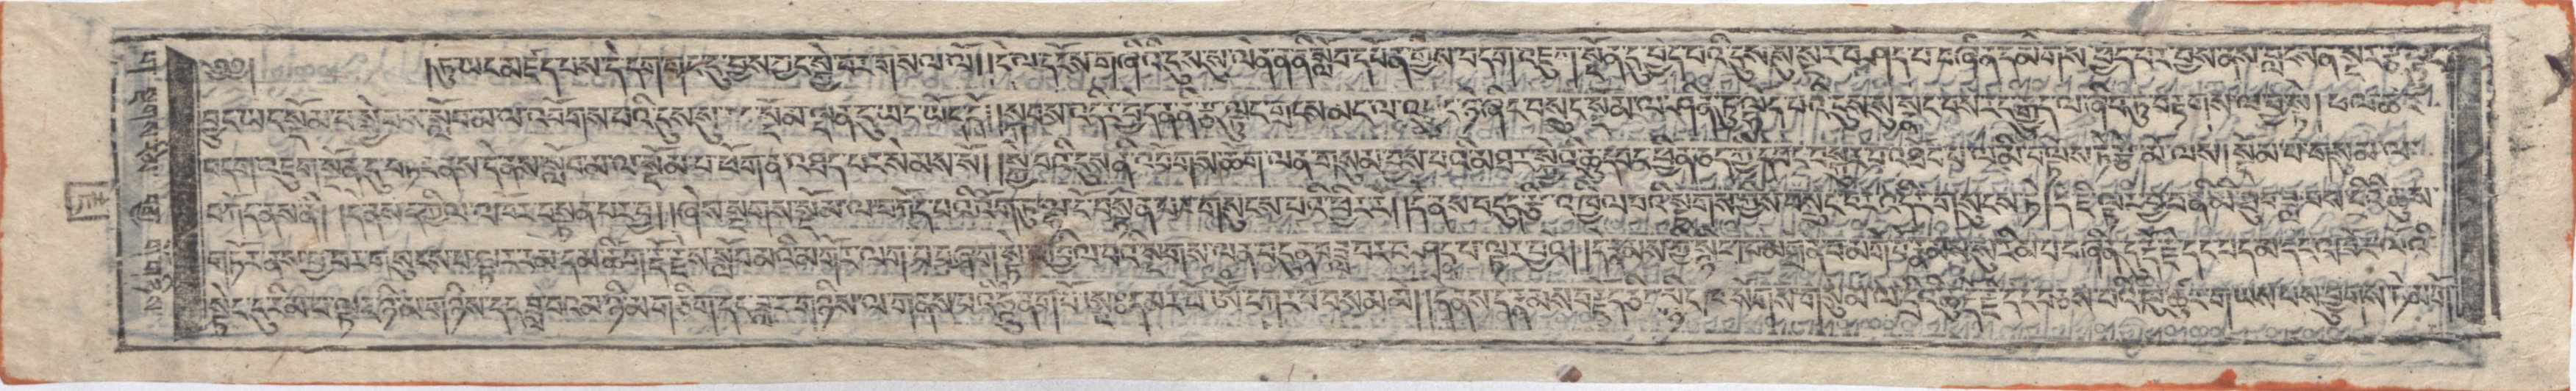༄༅། །ཏུ་ཡང་མཛད་པས་དེ་དག་གང་དུ་བྱས་ཀྱང་སྐྱེ་བར་གསལ་ལོ། །དེ་ལ་དངོས་གཞིའི་དུས་སུ་ལེན་ན་ནི་སློབ་དཔོན་གྱིས་བདག་འཇུག་སྔོན་དུ་བྱེད་པའི་དུས་སུ་སྔར་བཤད་པ་བཞིན་དམིགས་ཕྱེད་པར་བྱས་ནས་བླངས་ན་སྔར་རྩ་ལྟུང་
བྱུང་ཡང་སྡོམ་པ་སྐྱེ་བས་སློབ་མ་ལ་འབོགས་པའི་དུས་སུ་རང་སྡོམ་ལྡན་དུ་ཡང་ཡོད་དོ། །སྐབས་འདིར་བྱེད་ན་ནི་རྩ་ལྟུང་གྲངས་མང་ལ་འབྱུང་ཉེ་ཞིང་བསྲུང་སྡོམ་ལ་ཤིན་ཏུ་ལྷོད་པའི་དུས་སུ་སྣང་བས་རང་རྒྱུད་ལ་ཞིབ་ཏུ་བརྟགས་ལ་བྱ་སྟེ། ཕལ་ཆེར་
བདག་འཇུག་སྔོན་དུ་བཏང་ནས་དེ་ནས་སློབ་མ་ལ་སྡོམ་པ་ཕོག་ན་འཐད་པར་སེམས་སོ། །སྐྱེ་བའི་དུས་ནི་འབོགས་ཆོག་ལན་གསུམ་བྱས་པའི་མཐར་སྐྱེའི་ཆུ་དབང་ཕྱིན་ཅད་ཀྱི་དབང་བསྐུར་བ་འཐོབ་པ་ལ་མི་བལྟོས་ཏེ་རྩེ་མོ་ལས། སྡོམ་པ་གསུམ་ལ་
བཀོད་ནས་ནི། །དེ་ནས་དཀྱིལ་འཁོར་བསྟན་པར་བྱ། །ཞེས་སྔགས་སྡོམ་ལ་བཀོད་པའི་འོག་ཏུ་ལྷ་ངོ་བསྟན་པར་གསུངས་པའི་ཕྱིར་རོ། །དེ་ནས་བདུད་རྩི་འཁྱིལ་བའི་སྔགས་ཀྱིས་བསྲུང་བར་འདིར་གསུངས་ཏེ། དེ་ཇི་ལྟར་བྱ་བ་ནི་མི་ཐུབ་ཟླ་བས་དྲིའི་ཆུས་
གཏོར་ནས་བྱ་བར་གསུངས་པ་ལྟར་རམ་དམ་ཚིག་རྡོ་རྗེས་སློབ་མའི་མགོར་ལག་པ་བཞག་སྟེ་འཁྱིལ་བའི་སྔགས་ལན་བདུན་བཟླ་བར་བཤད་པ་ལྟར་བྱའོ། །དེ་རྣམས་ཀྱི་སྙིང་ཁ་མགྲིན་པ་མགོ་བོ་རྣམས་སུ་རིམ་པ་བཞིན་དུ་རྡོ་རྗེ་དང་པད་མ་དང་འཁོར་ལོའི་
སྟེང་དུ་རིམ་པ་ལྟར་ཉི་མ་གཉིས་དང་ཟླ་བའམ་ཉི་མ་གཅིག་དང་ཟླ་བ་གཉིས་ལ་གནས་པའི་ཧཱུཾ་ནག་པོ་ཨཱཿ དམར་པོ་ཨོཾ་དཀར་པོ་བསམ་མོ། །དེ་ནས་དེ་རྣམས་བརྗོད་ཅིང་སྙིང་ཁ་སོགས་གསུམ་ལ་དྲིའི་ཆུ་རྡོ་རྗེ་དང་བཅས་པའི་ཁུ་ཚུར་གཡས་པས་བྱུགས་ཏེ་མགོ་